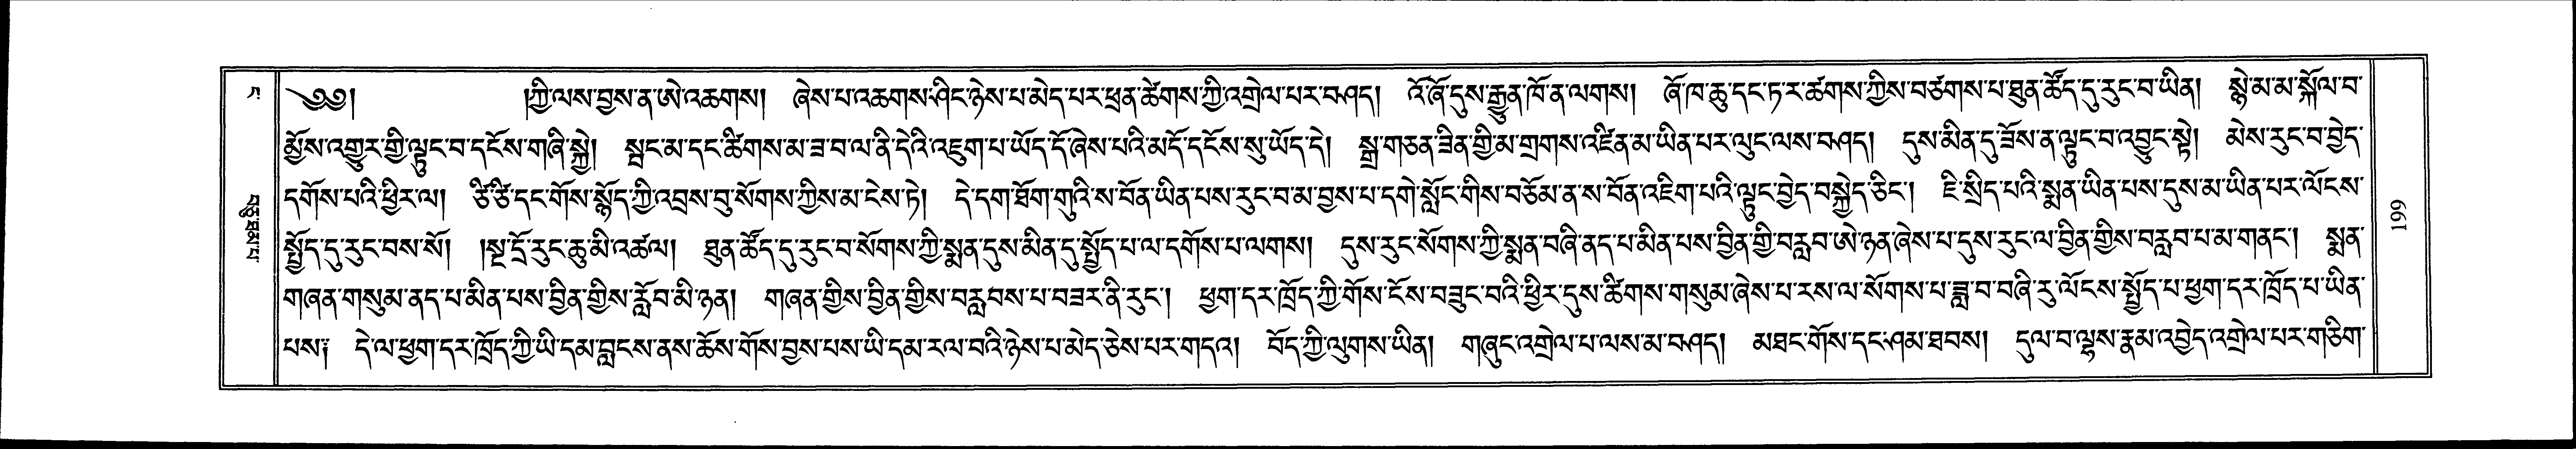༄༅། །ཀྱི་ལས་བྱས་ན་ཨེ་འཆགས། ཞེས་པ་འཆགས་ཤིང་ཉེས་པ་མེད་པར་ཕྲན་ཚེགས་ཀྱི་འགྲེལ་པར་བཤད། འོ་ཞོ་དུས་རྒྱུན་ཁོ་ན་ལགས། ཞོ་ཁ་ཆུ་དང་ཏ་ར་ཚགས་ཀྱིས་བཙགས་པ་ཐུན་ཚོད་དུ་རུང་བ་ཡིན། སྙེ་མ་མ་སྐོལ་བ་
མྱོས་འགྱུར་གྱི་ལྟུང་བ་དངོས་གཞི་སྐྱེ། སྦང་མ་དང་ཚིགས་མ་ཟ་བ་ལ་ནི་དེའི་འཇུག་པ་ཡོད་དོ་ཞེས་པའི་མདོ་དངོས་སུ་ཡོད་དེ། སྒྲ་གཅན་ཟིན་གྱི་མ་གྲགས་འཛིན་མ་ཡིན་པར་ལུང་ལས་བཤད། དུས་མིན་དུ་ཟོས་ན་ལྟུང་བ་འབྱུང་སྟེ། མེས་རུང་བ་བྱེད་
དགོས་པའི་ཕྱིར་ལ། ཙི་ཙི་དང་གོས་སྙོད་ཀྱི་འབྲས་བུ་སོགས་ཀྱིས་མ་ངེས་ཏེ། དེ་དག་ཐོག་གུའི་ས་བོན་ཡིན་པས་རུང་བ་མ་བྱས་པ་དགེ་སློང་གིས་བཅོམ་ན་ས་བོན་འཇིག་པའི་ལྟུང་བྱེད་བསྐྱེད་ཅིང་། ཇི་སྲིད་པའི་སྨན་ཡིན་པས་དུས་མ་ཡིན་པར་ལོངས་
སྤྱོད་དུ་རུང་བས་སོ། །སྔ་དྲོ་རུང་ཆུ་མི་འཚལ། ཐུན་ཚོད་དུ་རུང་བ་སོགས་ཀྱི་སྨན་དུས་མིན་དུ་སྤྱོད་པ་ལ་དགོས་པ་ལགས། དུས་རུང་སོགས་ཀྱི་སྨན་བཞི་ནད་པ་མིན་པས་བྱིན་གྱི་བརླབ་ཨེ་ཉན་ཞེས་པ་དུས་རུང་ལ་བྱིན་གྱིས་བརླབ་པ་མ་གནང་། སྨན་
གཞན་གསུམ་ནད་པ་མིན་པས་བྱིན་གྱིས་རློབ་མི་ཉན། གཞན་གྱིས་བྱིན་གྱིས་བརླབས་པ་བཟར་ནི་རུང་། ཕྱག་དར་ཁྲོད་ཀྱི་གོས་ངོས་བཟུང་བའི་ཕྱིར་དུས་ཚིགས་གསུམ་ཞེས་པ་རས་ལ་སོགས་པ་ཟླ་བ་བཞི་རུ་ལོངས་སྤྱོད་པ་ཕྱག་དར་ཁྲོད་པ་ཡིན་
པས། དེ་ལ་ཕྱག་དར་ཁྲོད་ཀྱི་ཡི་དམ་བླངས་ནས་ཆོས་གོས་བྱས་པས་ཡི་དམ་རལ་བའི་ཉེས་པ་མེད་ཅེས་པར་གདའ། བོད་ཀྱི་ལུགས་ཡིན། གཞུང་འགྲེལ་པ་ལས་མ་བཤད། མཐང་གོས་དང་ཤམ་ཐབས། དུལ་བ་ལྷས་རྣམ་འབྱེད་འགྲེལ་པར་གཅིག་